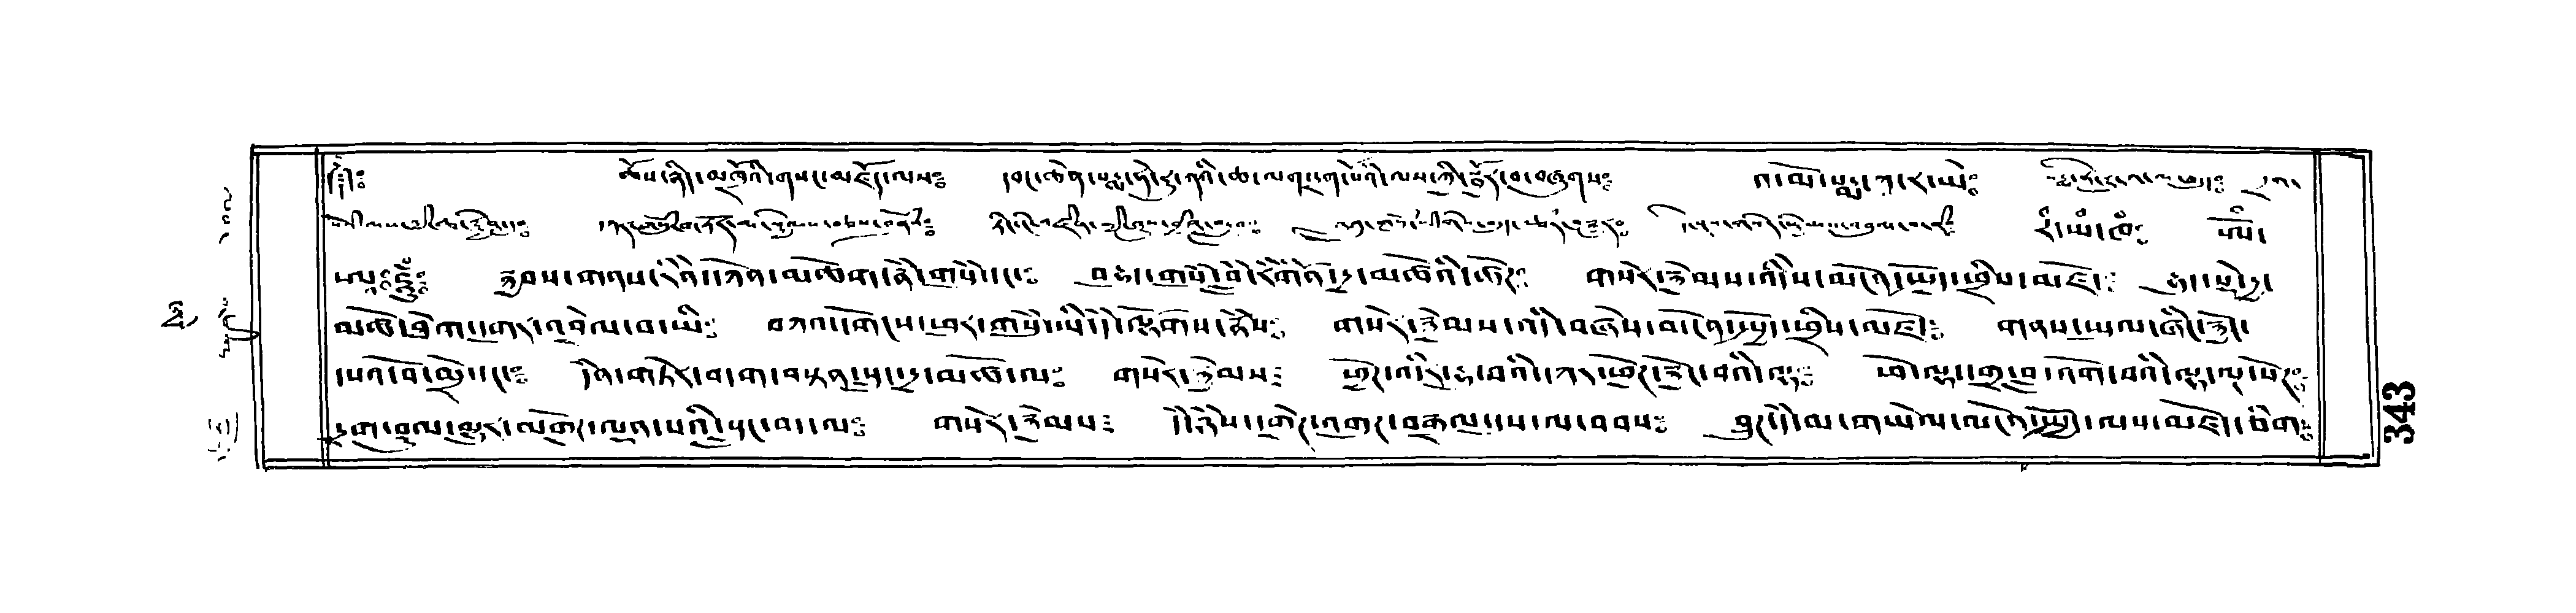ཆོས་ཉིད་མཁའ་འགྲོའི་གསང་མཛོད་ལས༔ དབང་ཆེན་པདྨ་ཧེ་རུ་ཀའི་ཆ་ལག་དྲག་པོའི་ལས་ཀྱི་སྦྱོར་བ་བཞུགས༔ ན་མོ་པདྨ་ཀཱ་ར་ཡེ༔ པདྨ་ཧེ་རུ་ཀ་ལ་བདུད༔ དྲག་
པོའི་ལས་ཀྱི་ཆ་རྐྱེན་དུ༔ དཀར་གསུམ་གཏོར་མ་སྐྱེམས་བཅས་བཤམས༔ ཏིང་ངེ་འཛིན་གྱི་ནུས་བྱིན་བརླབ༔ འབྲུ་གསུམ་ཡི་གེས་བདུད་རྩིར་བསྒྱུར༔ དེ་ནས་གསེར་སྐྱེམས་འབུལ་བ་ནི༔ རཾ་ཡཾ་ཁཾ༔ ཨོཾ་
ཨཱཿཧཱུྃ༔ སྐྱབས་གནས་རིན་ཆེན་དཀོན་མཆོག་རྣམ་གསུམ་དང༔ བརྒྱུད་གསུམ་བླ་མ་རིག་འཛིན་རྒྱ་མཚོའི་ཚོགས༔ གསེར་སྐྱེམས་འདི་བཞེས་མངོན་སྤྱོད་ཕྲིན་ལས་མཛོད༔ རྒྱུད་སྡེ་རྒྱ་
མཚོ་ཐེག་དགུར་འབྲེལ་བ་ཡི༔ བཀའ་དགོངས་ཕུར་གསུམ་ཡི་དམ་ལྷ་ཚོགས་རྣམས༔ གསེར་སྐྱེམས་འདི་བཞེས་མངོན་སྤྱོད་ཕྲིན་ལས་མཛོད༔ གནས་ཡུལ་ཞིང་སྐྱོང་
དཔའ་བོ་མཁའ་འགྲོ་དང༔ དམ་ཅན་གཏེར་བདག་བསྟན་སྲུང་རྒྱ་མཚོ་ལ༔ གསེར་སྐྱེམས༴ ཕྱོགས་འདིར་རྒྱུ་བའི་དཀར་ཕྱོགས་སྐྱོང་བའི་ལྷ༔ ཕོ་ལྷ་དགྲ་བླ་འགོ་བའི་ལྷ་ལྔ་སོགས༔ 
དྲག་ཤུལ་མྱུར་མགྱོགས་ལྡན་པའི་སྲུང་མ་ལ༔ གསེར་སྐྱེམས༴ དམ་ཉམས་དགྲ་བགེགས་འགུགས་བསྒྲལ་དུས་ལ་བབས༔ ཐུགས་དམ་མ་གཡེལ་མངོན་སྤྱོད་ལས་མཛོད་ཅིག༔